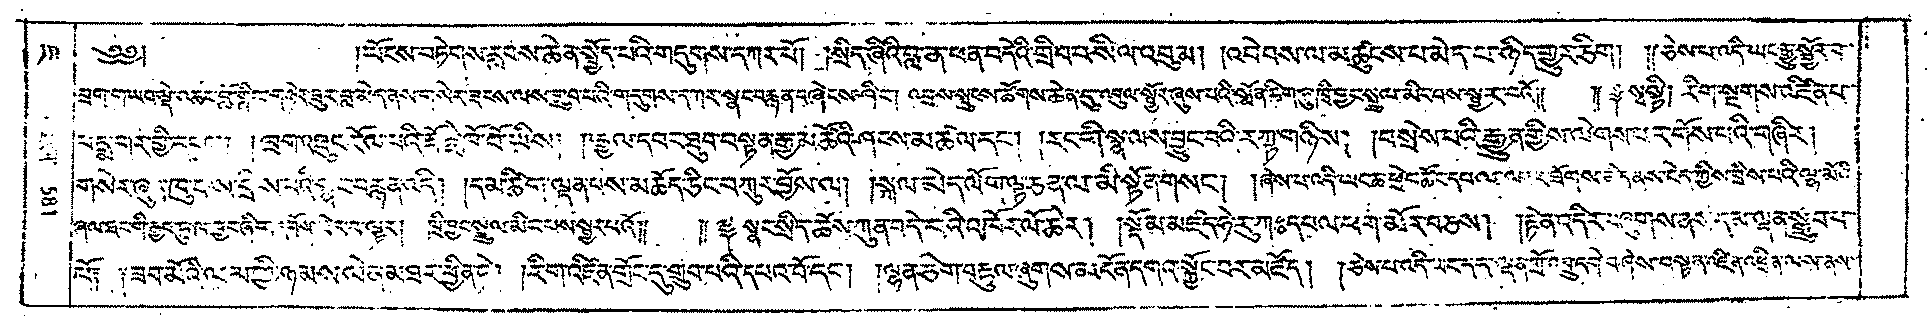༄༅། །ཡོངས་བཏེགས་རླབས་ཆེན་སྤྱོད་པའི་གདུགས་དཀར་པོ། །སྲིད་ཞིའི་བླ་ན་ཕན་བདེའི་གྲིབ་བསིལ་འབུམ། །འབེབས་ལ་མཚུངས་པ་མེད་པ་ཉིད་གྱུར་ཅིག ། །།ཅེས་པ་འདི་ཡང་རྒྱུ་སྦྱོར་བ་
བྲག་གཡབ་ལྡེ་འཆང་བློ་གླིང་གཉེར་ཟུར་བླ་མེད་ནས་གསེར་ཟངས་ལས་གྲུབ་པའི་གདུགས་དཀར་སྣང་བརྙན་བཞེངས་ཤིང་། འབྲས་སྤུངས་ཚོགས་ཆེན་དུ་འབུལ་སྦྱོར་ཞུས་པའི་སྨོན་ཚིག་ཏུ་ཁྲི་བྱང་སྤྲུལ་མིང་པས་སྦྱར་བའོ།། །། ༈ སྭསྟི། རིག་སྔགས་འཛིན་པ་
པདམ་གར་གྱི་དབང་། །ཁྲག་འཐུང་རོལ་པའི་རྡོ་རྗེ་ཁོ་བོ་ཡིས། །༧རྒྱལ་དབང་ཐུབ་བསྟན་རྒྱ་མཚོའི་ཤངས་མཚལ་དང་། །རང་གི་སྣ་ལས་བྱུང་བའི་རཀྟ་གཉིས། །བསྲེས་པའི་རྒྱུན་གྱིས་ལེགས་པར་གོས་པའི་གཞིར།
གསེར་ཞུན་ཁུ་བས་བྲིས་པའི་སྣང་བརྙན་འདི། །དམ་ཚིག་ལྡན་པས་མཆོད་ཅིང་བཀུར་བྱོས་ལ། །སྐལ་མེད་ལོག་ལྟ་ཅན་ལ་མི་སྟོན་གསང་། །ཞེས་པ་འདི་ཡང་ཆ་ཕྲེང་ཚོང་དཔལ་འབར་ཐོགས་མེད་ནས་ངེད་ཀྱིས་བྲིས་པའི་ལྷ་མོའི་
ཞལ་ཐང་གི་རྒྱབ་ཏུ་ཁ་བྱང་ཞིག་དགོས་ཟེར་བ་ལྟར། ཁྲི་བྱང་སྤྲུལ་མིང་པས་སྦྱར་པའོ།། །། ༈ སྣང་སྲིད་ཆོས་ཀུན་བདེ་བའི་འཁོར་ལོ་ཆེར། །སྡོམ་མཛད་ཧེ་རུ་ཀཿ དཔལ་ཕག་མོར་བཅས། །རྟེན་འདིར་བཞུགས་ནས་དམ་ལྡན་སྒྲུབ་པ་
པོ༑ ༑ཟབ་མོའི་ལམ་གྱི་ཉམས་ལེན་མཐར་ཕྱིན་ཏེ། །རིག་འཛིན་གྲོང་དུ་གྲུབ་པའི་དཔའ་བོ་དང་། །ལྷན་ཅིག་བརྟུལ་ཞུགས་མངོན་དགའ་སྐྱོང་བར་མཛོད། །ཅེས་པ་འདི་ཡང་དད་ལྡན་གྲོ་འབྲུ་དགེ་བཤེས་བསྟན་འཛིན་འཕྲིན་ལས་ནས་